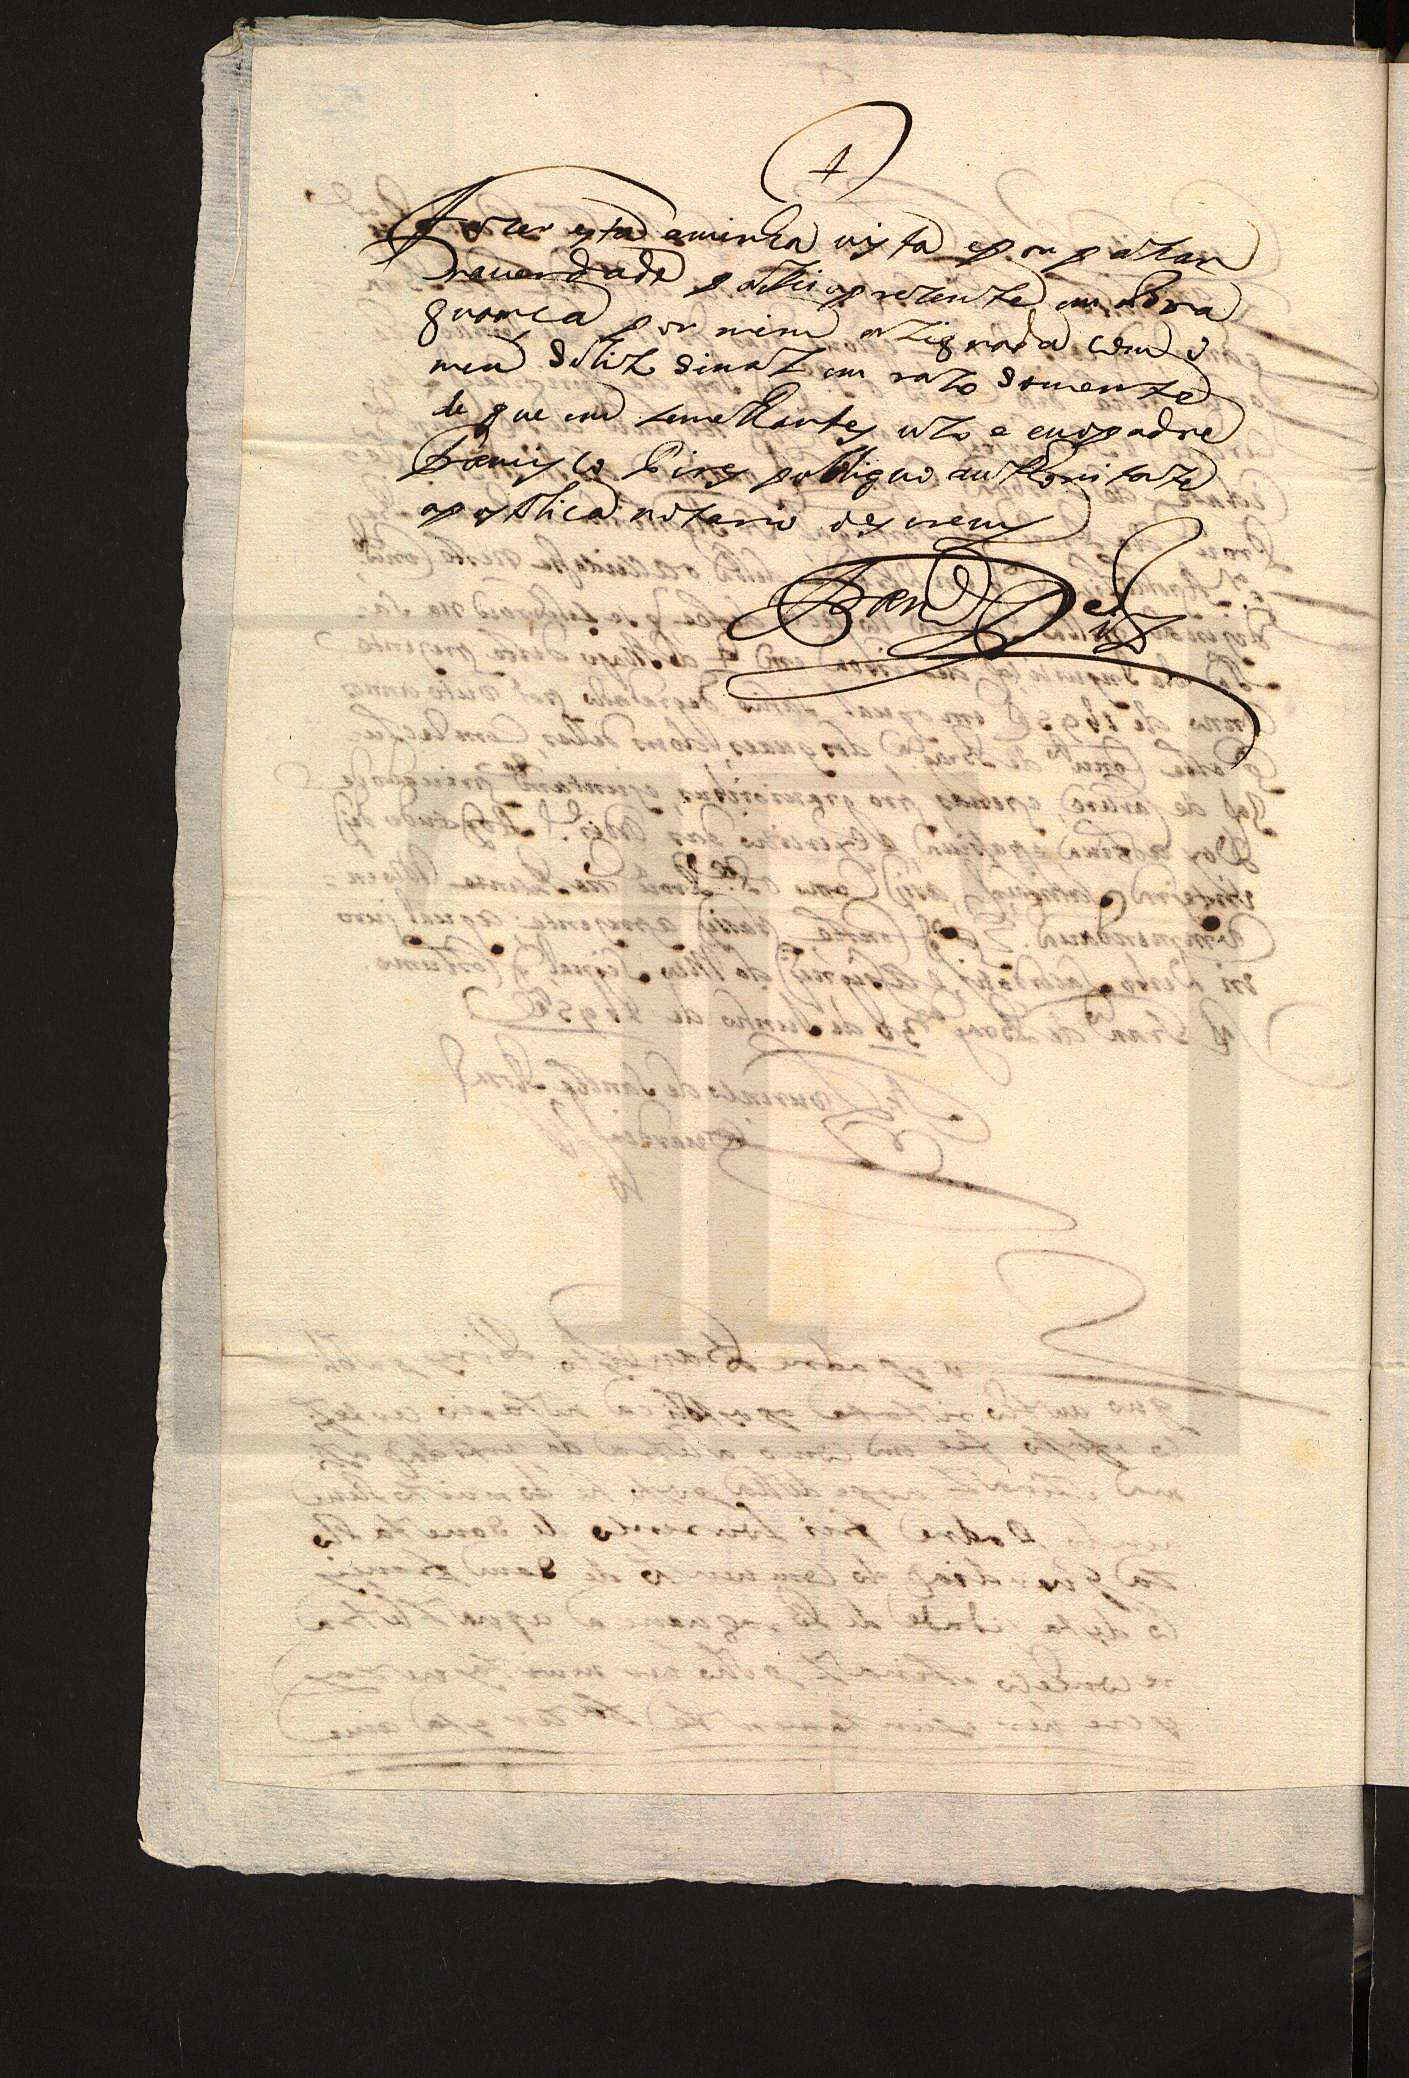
Fazer esta a minha uista e por passar
na uerdade e assi a prezente em Bra
guança por mim asignada com o
meu delito sinaL em razo e temente
de que em semelhantes uzo e eu o padre
Francisco Pires publiquo authoritate
apostolica notario o escreuy
Franco Piz̄
